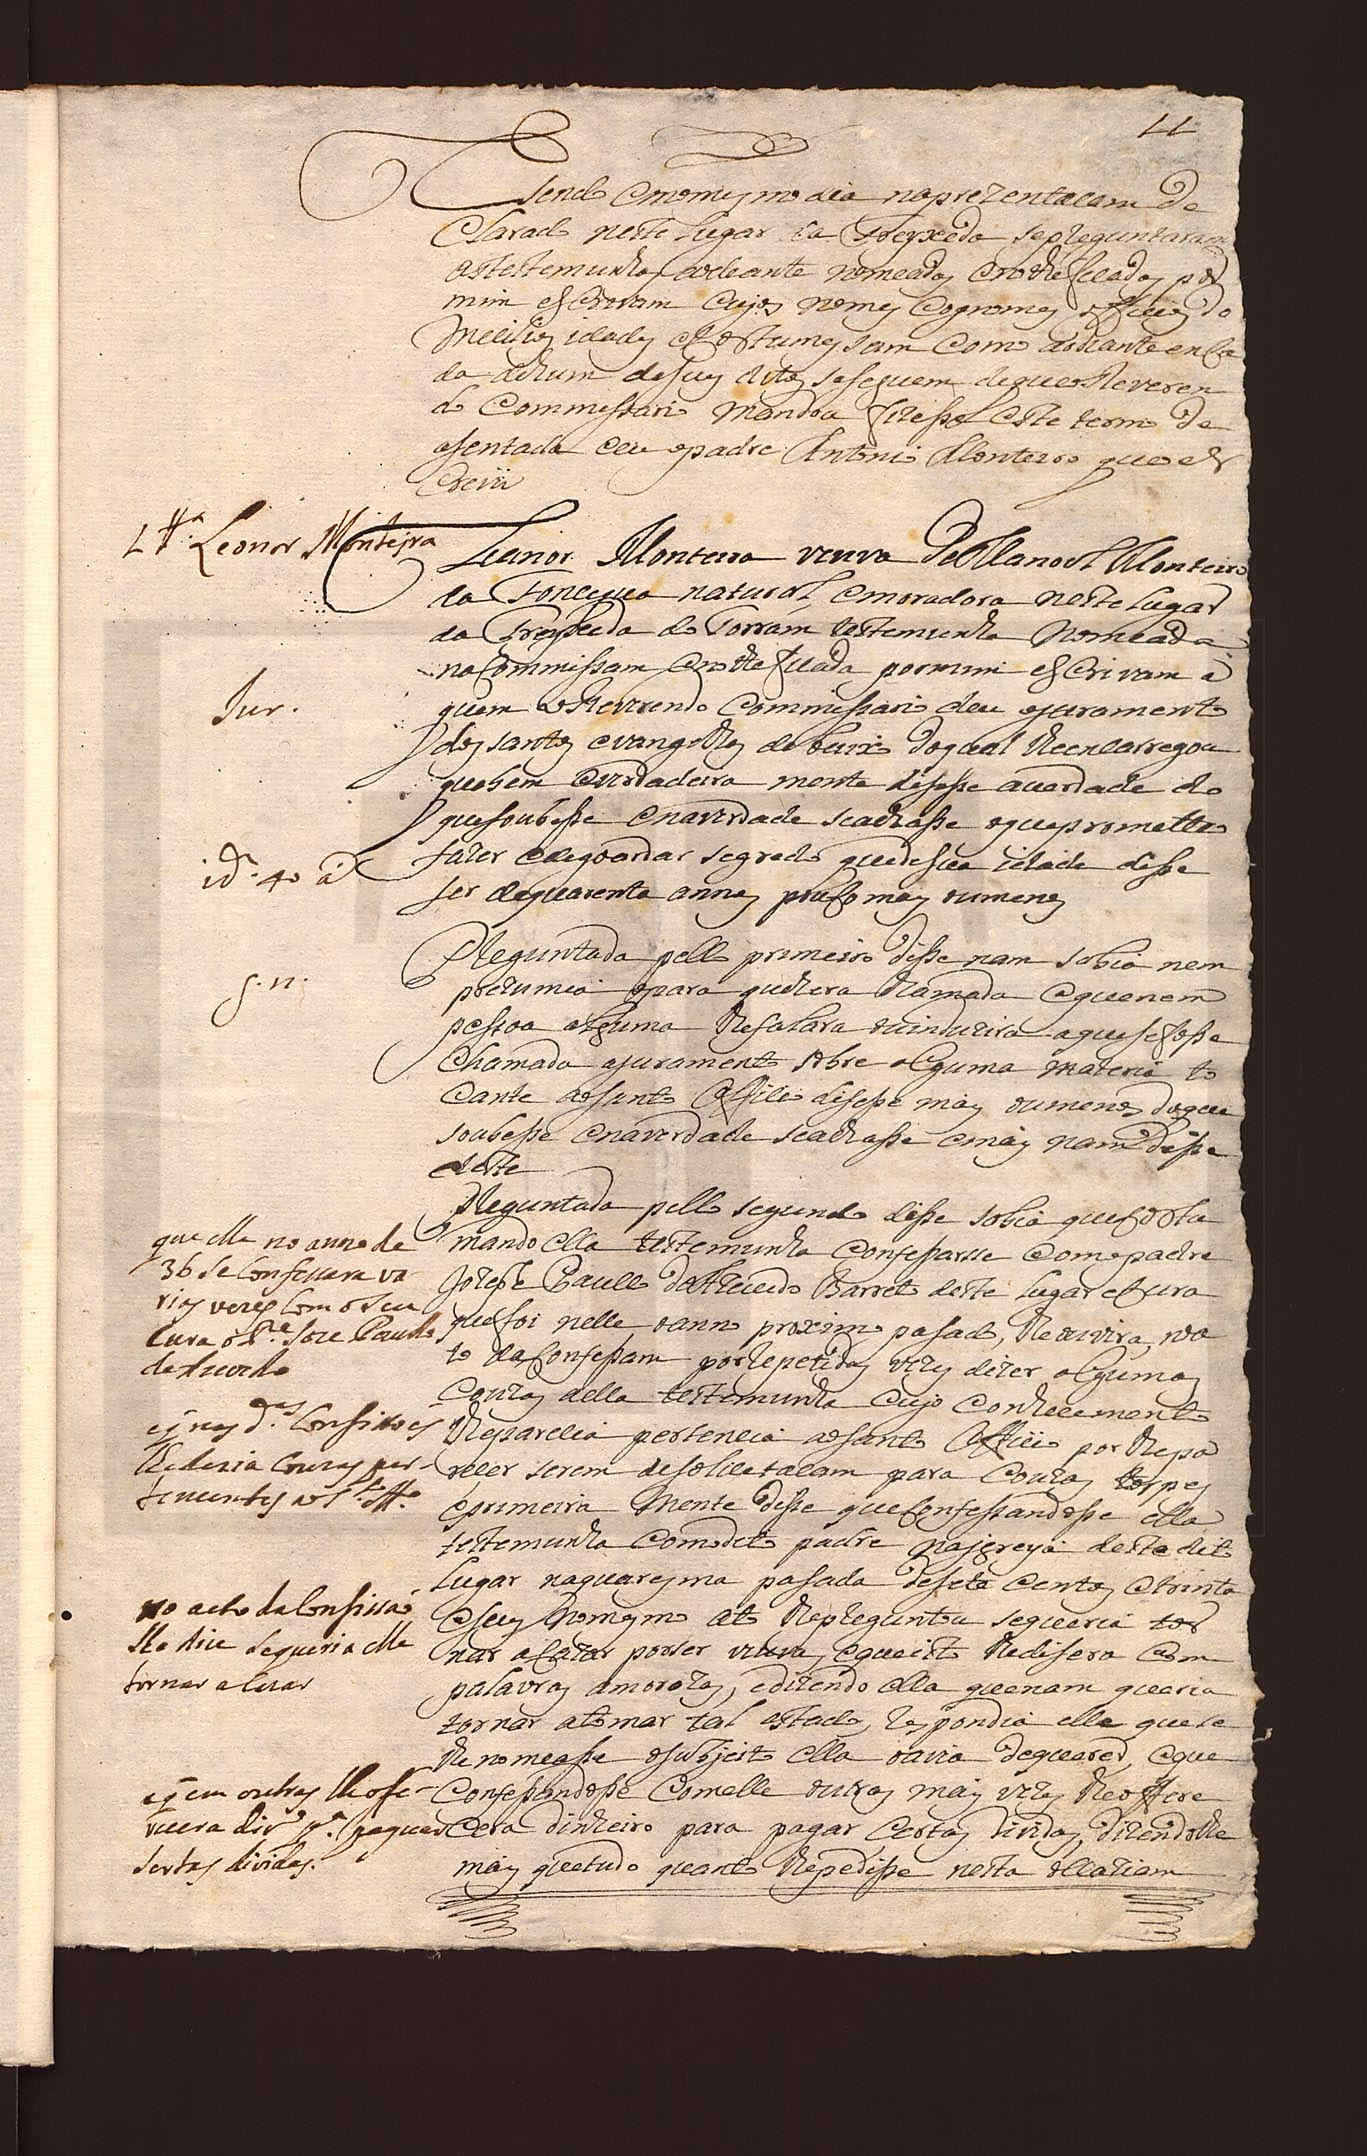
1 tt.a Leonor Montejra
Iur.
ide. 40 ā
s. n.
que ella no anno de
36 se Confessara va
ria vezes Com o seu
Cura o P.e Ioze Paullo
de Azevedo
e q̄ nas d.as Confissoẽs
lhe dezia couzas per
tencentes ao S.to off.o
no acto da Confissaõ
lhe dice se queria ella
tornar a cazar
e q̄ em outras lhe offe
recera diro pa. paguar
sertas dividas.
E sendo em o mesmo dia na prezentacam de
Clarado neste lugar da Freyxeda se preguntaram
as testemunhas aodeante nomeadas, e notheficadas por
mim escrivam cujos nomes cognomes officios do
mecilios idades e Costumes sam como aodiante en Ca
da de hum de seus ditos se seguem de que o Reveren
do Commissario mandou fizesse este temo de
asentada e eu o padre Antonio Monteiro que es
Creui
Leanor Monteira veuva de Manoel Monteiro
da Foncequa natural, e moradora neste lugar
da Freyxeda do Torram testemunha nomeada
na Commissam e notheficada por mim escrivam a
quem o Reverendo commissario deu o juramento
dos santos evangelhos debaixo do qual lhe encarregou
que bem e verdadeiramente disesse a uerdade do
que soubesse e na verdade se achasse o que prometteo
fazer e de goardar segredo que de sua idade disse
ser de quarenta annos pouCo mais ou menos
Preguntada pello primeiro disse nam sabia nem
prezumia o para que hera chamada e que nem
pessoa alguma lhe falara ou induzira a que se fosse
chamada a juramento sobre alguma materia to
cante ao santo Officio disesse mais ou menos do que
soubesse e na verdade se achasse e mais nam disse
deste
Preguntada pello segundo disse sabia que Costu
mando ella testemunha confessarsse com o padre
Jozeph Paullo de AZeuedo Barreto deste lugar e Cura
que foi nelle, o anno proximo pasado, lhe ouvira, no a
to da Confessam por Repetidas vezes dizer algumas
Couzas della testemunha cujo conhecimento
lhe parecia pertencia ao santo Officio por lhe pa
reçer serem de solicitacam para Couzas torpes
e primeiramente disse que Confessandosse ella
testemunha com o dito padre na jgreya deste dito
lugar na quaresma pasada de seteCentos e trinta
e seis no mesmo ato lhe pReguntou se queria tor
nar a Cazar por ser viuva, e que isto lhe disera com
palavras amoroZas, e dizendo ella que nam queria
tornar a tomar tal estado, respondia elle que se
lhe nomease o subjeito ella o avia de querer, e que
confessandosse com elle outras mais vezes lhe offere
cera dinheiro para pagar Çertas dividas, dizendolhe
mais que tudo quanto lhe pedisse nesta occaziam
